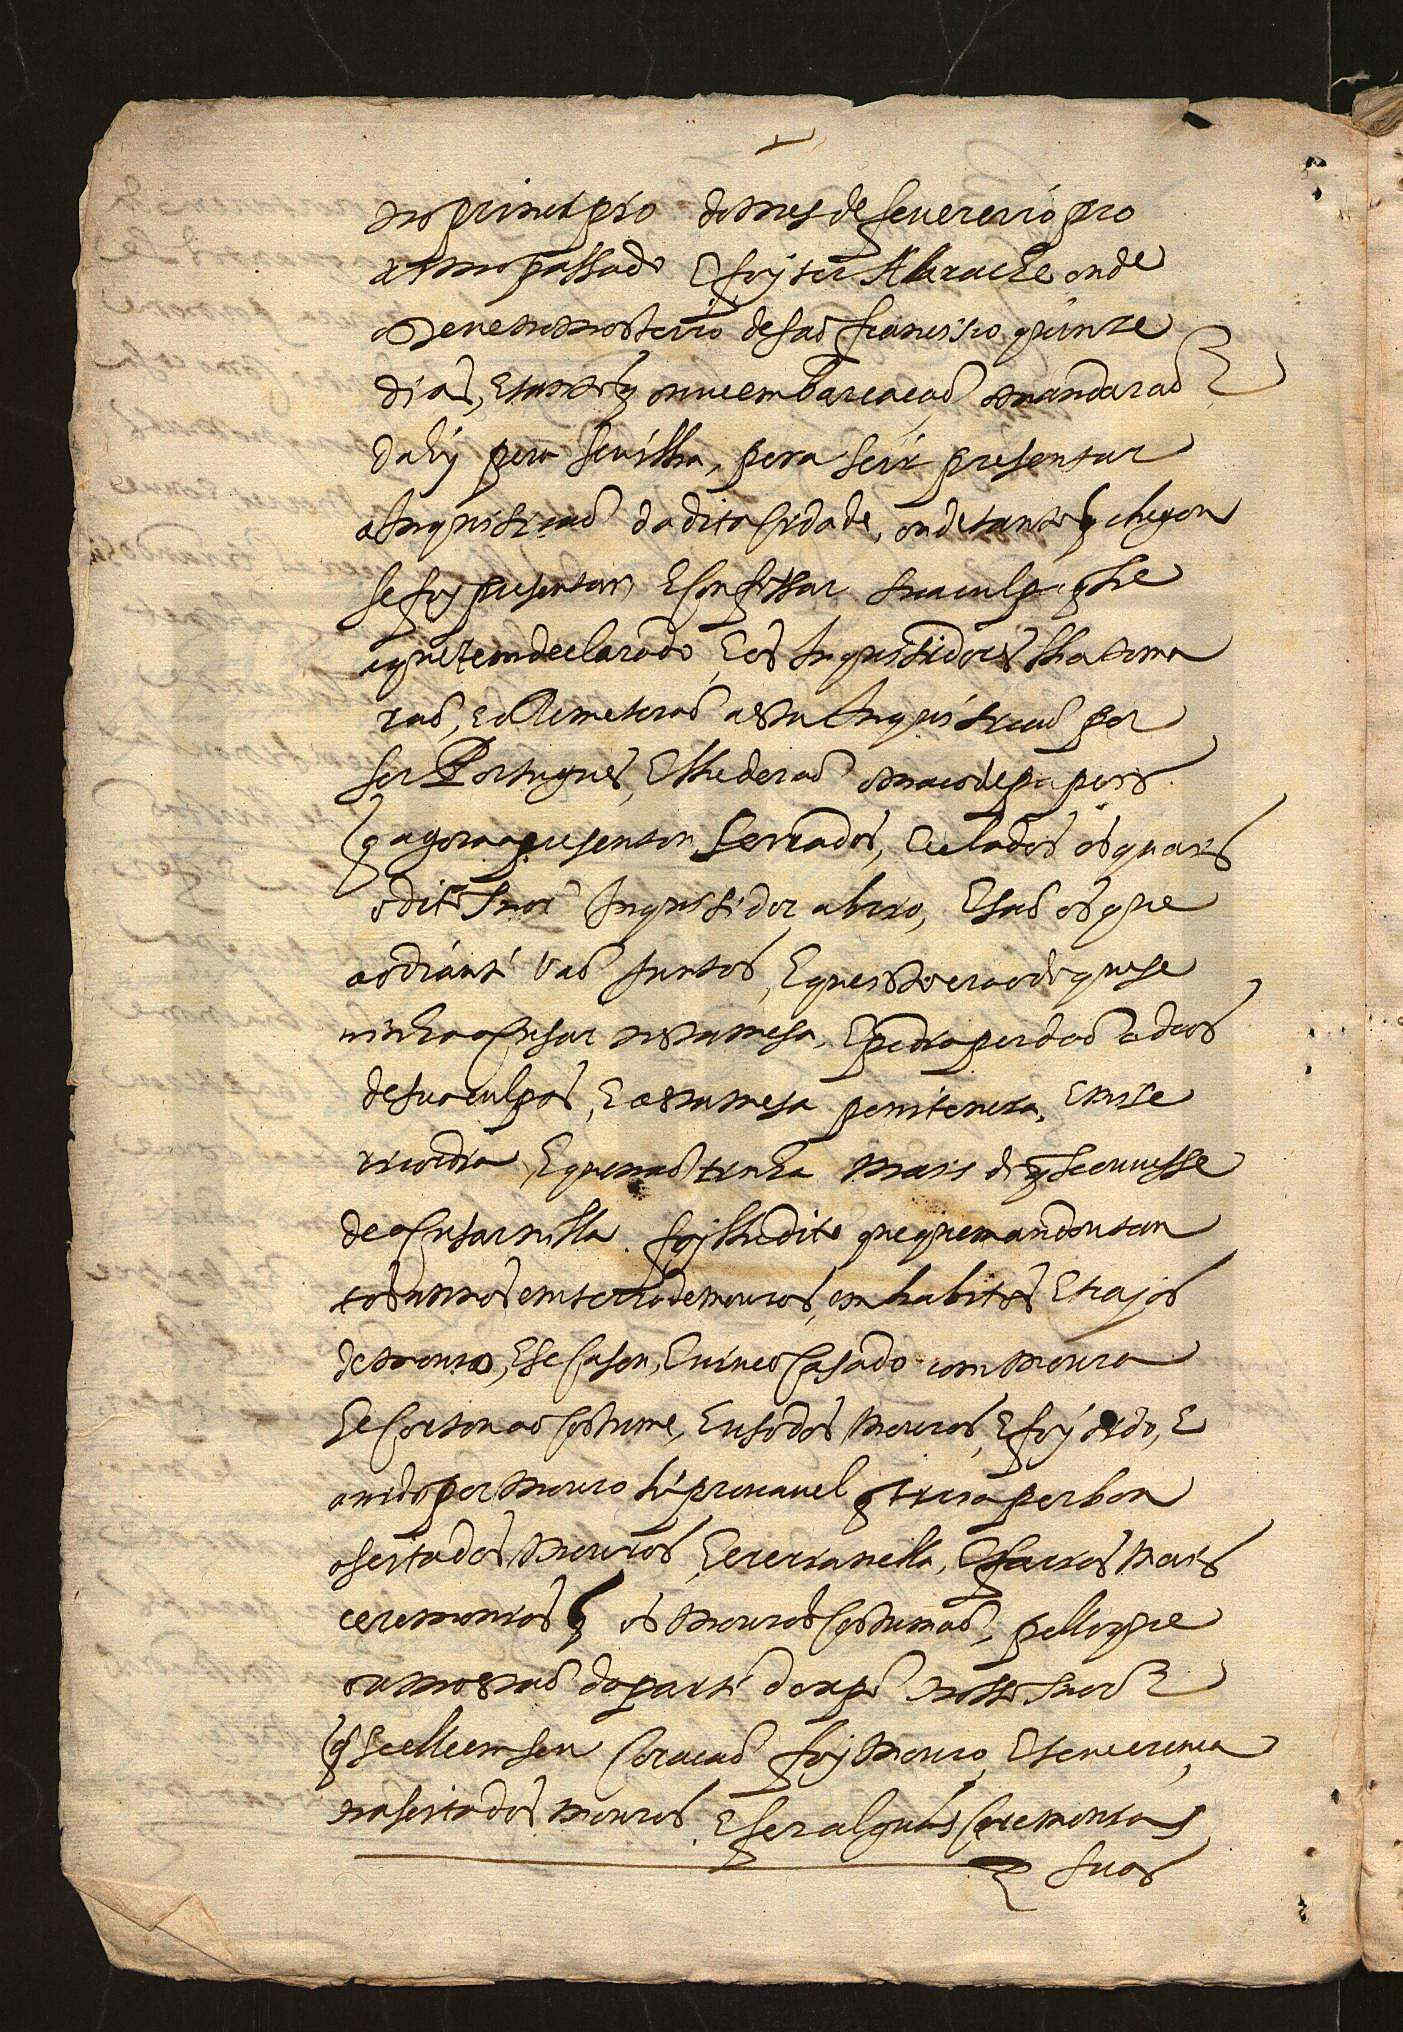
no principio do mes de feuereiro pro
ximo passado E foy ter A larache onde
esteue no mosteiro de saõ francisco quinze
dias, E tanto q̄ ouue embarcaçaõ, o mandaraõ
dahy pera Seuilha, pera se ir presentar
a Inquisiçaõ da dita Cidade, onde tanto q̄ chegou
se foy presentar, E Confessar sua culpa q̄ he
a que tem declarado, E os Inquisidores lha toma
raõ, E o Remeteraõ a esta Inquisiçaõ por
ser Portugues, E lhe deraõ o maço de papeis
q̄ agora apresentou Serrados, E celados os quais
o dito Snor̄ Jnquisidor abrio, E saõ os que
ao diante vaõ Juntos, E que isto era o do que se
uinha aCusar nesta mesa, E pedia perdaõ a deos
de sua culpas, E a esta mesa penitencia, E mise
ricordia, E que naõ tinha mais de q̄ se ouuesse
de aCusar nella. foylhe dito que quem andou tan
tos annos em terra de mouros, em habito E trajos
de mouro, E se Casou, E uiueo Casado com moura
se Cortou ao Costume, E uso dos mouros, E foy tido, E
auido por mouro he prouauel q̄ tiria por boa
a seita dos mouros, E creria nella, E farias mais
ceremonias q̄ os mouros Costumaõ, pello que
o amoestaõ da parte de xpō nosso snor̄
q̄ se elle em seu Coraçaõ foy mouro, E teue crença
na seita dos mouros, E fez alguas̄ Ceremonias
suas
